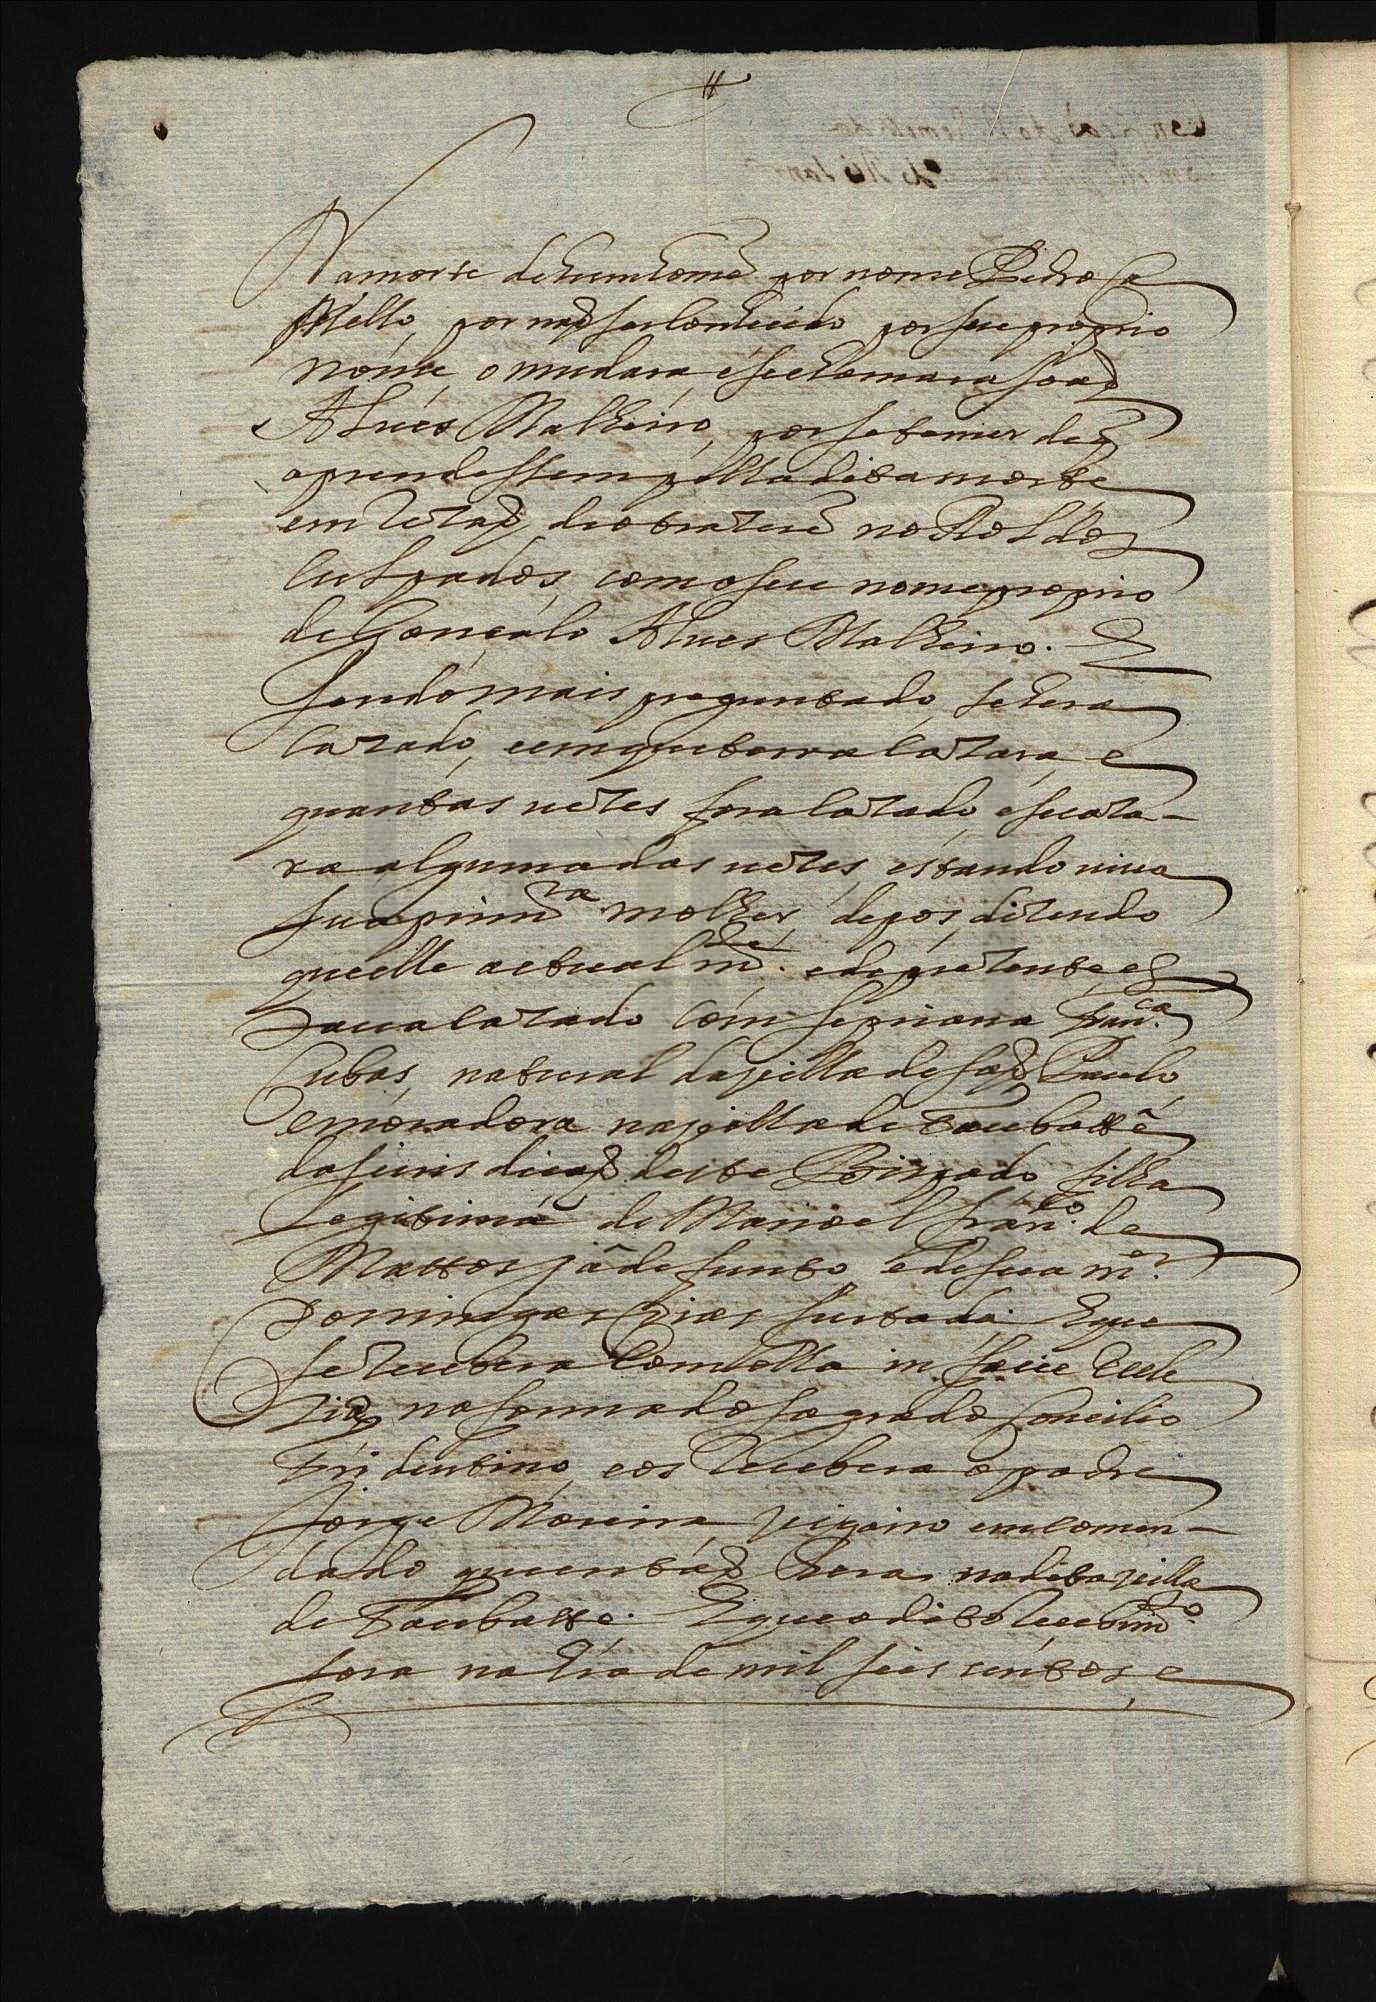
Na morte de hum homē por nome Pedro Ca
Mello, por naõ ser Conhecido por seu proprio
nome, o mudara, e se chamara Joaõ
Alues Malheiro, por se temer de q̄
o prendessem pella dita morte
em Rezaõ de o trazerē no Rol dos
Culpados, com o seu nome proprio
de Gonçalo Alues Malheiro. E
sendo mais preguntado, se hera
cazado, e em que terra cazara, e
quantas uezes fora cazado, e se caza
ra alguma das uezes, estando uiua
sua primra molher, depos, dizendo
que elle actualm.te e de prezente, es
taua cazado com Sepriana Fran.ca
Cubas, natural da Villa de Saõ Paulo
e moradora na Villa de Taubattê
da jurisdiçaõ deste Bispado filha
Legitima de Manoel fran.co de
Mattos jâ defunto e de sua m.er
Domingas Dias furtada. E que
se Recebera com ella in facie Eccle
Ziæ na forma do sagrado Concilio
Tridentino, e os Recebera o padre
Jorge Moreira, Vigairo emcomen
dado que entaõ hera na dita villa
de Taubatte; E que o dito Recebim.to
fora na Era de mil seiscentos e
